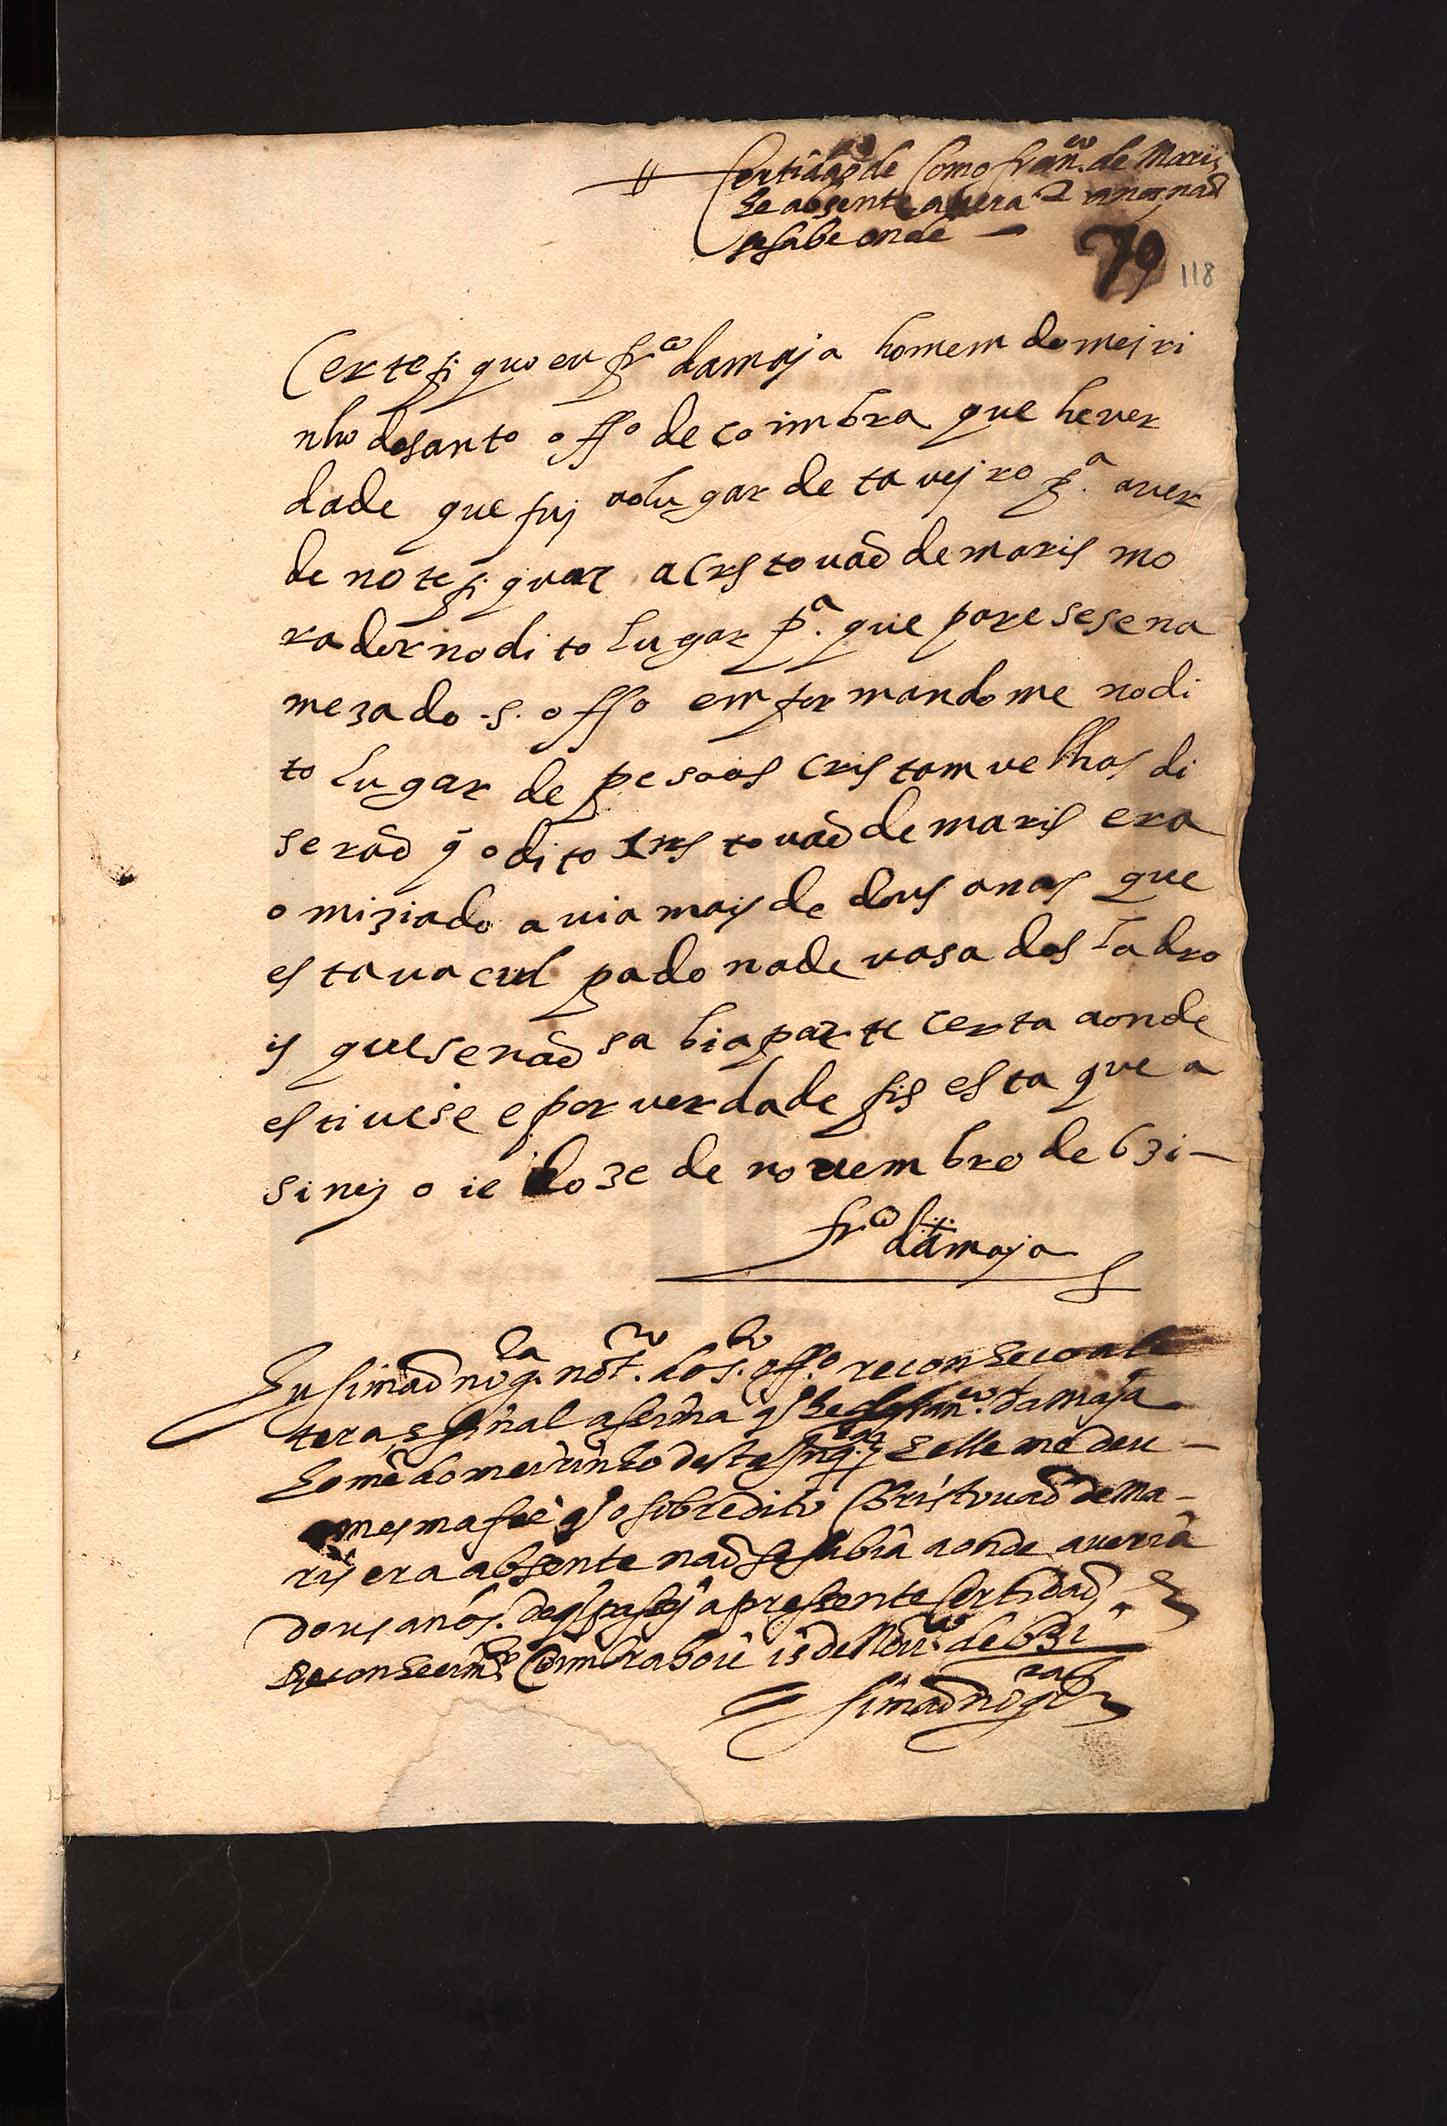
Certidaõ de Como fran.co de Maris
he absente avera 2 anos, naõ
se sabe onde
Certefiquo eu frco da maja homem do mejri
nho do santo offo de coimbra que he uer
dade que fuj ao lugar de tauejro p.a auer
de notefiquar a Crstouão de maris mo
rador no dito lugar p.a que paresese na
meza do .S. offo emformandome no di
to lugar de pesoas cristam uelhas di
serão q̄ o dito crestouão de maris era
omiziado auia mais de dous anos que
estaua culpado na deuasa dos ladro
is que se não sabia parte certa aonde
estiuese e por uerdade fis esta que a
sinej oie doze de nouembro de 631
Eu Simão nog.ra not.ro do s.to off.o reconheço a le
tera, E sinal assima q̄ he de fran.co da maja
homē do meirinho desta Jnq.aõ E elle me deu
_ mesma fee q̄ o sobredito Christouaõ de ma
ris era absente naõ se sabia aonde aueriā
dous anōs. de q̄ passej a pressente Certidaõ, E
Reconhecim.to Coimbra hoie 15 de Nou.ro de 631
